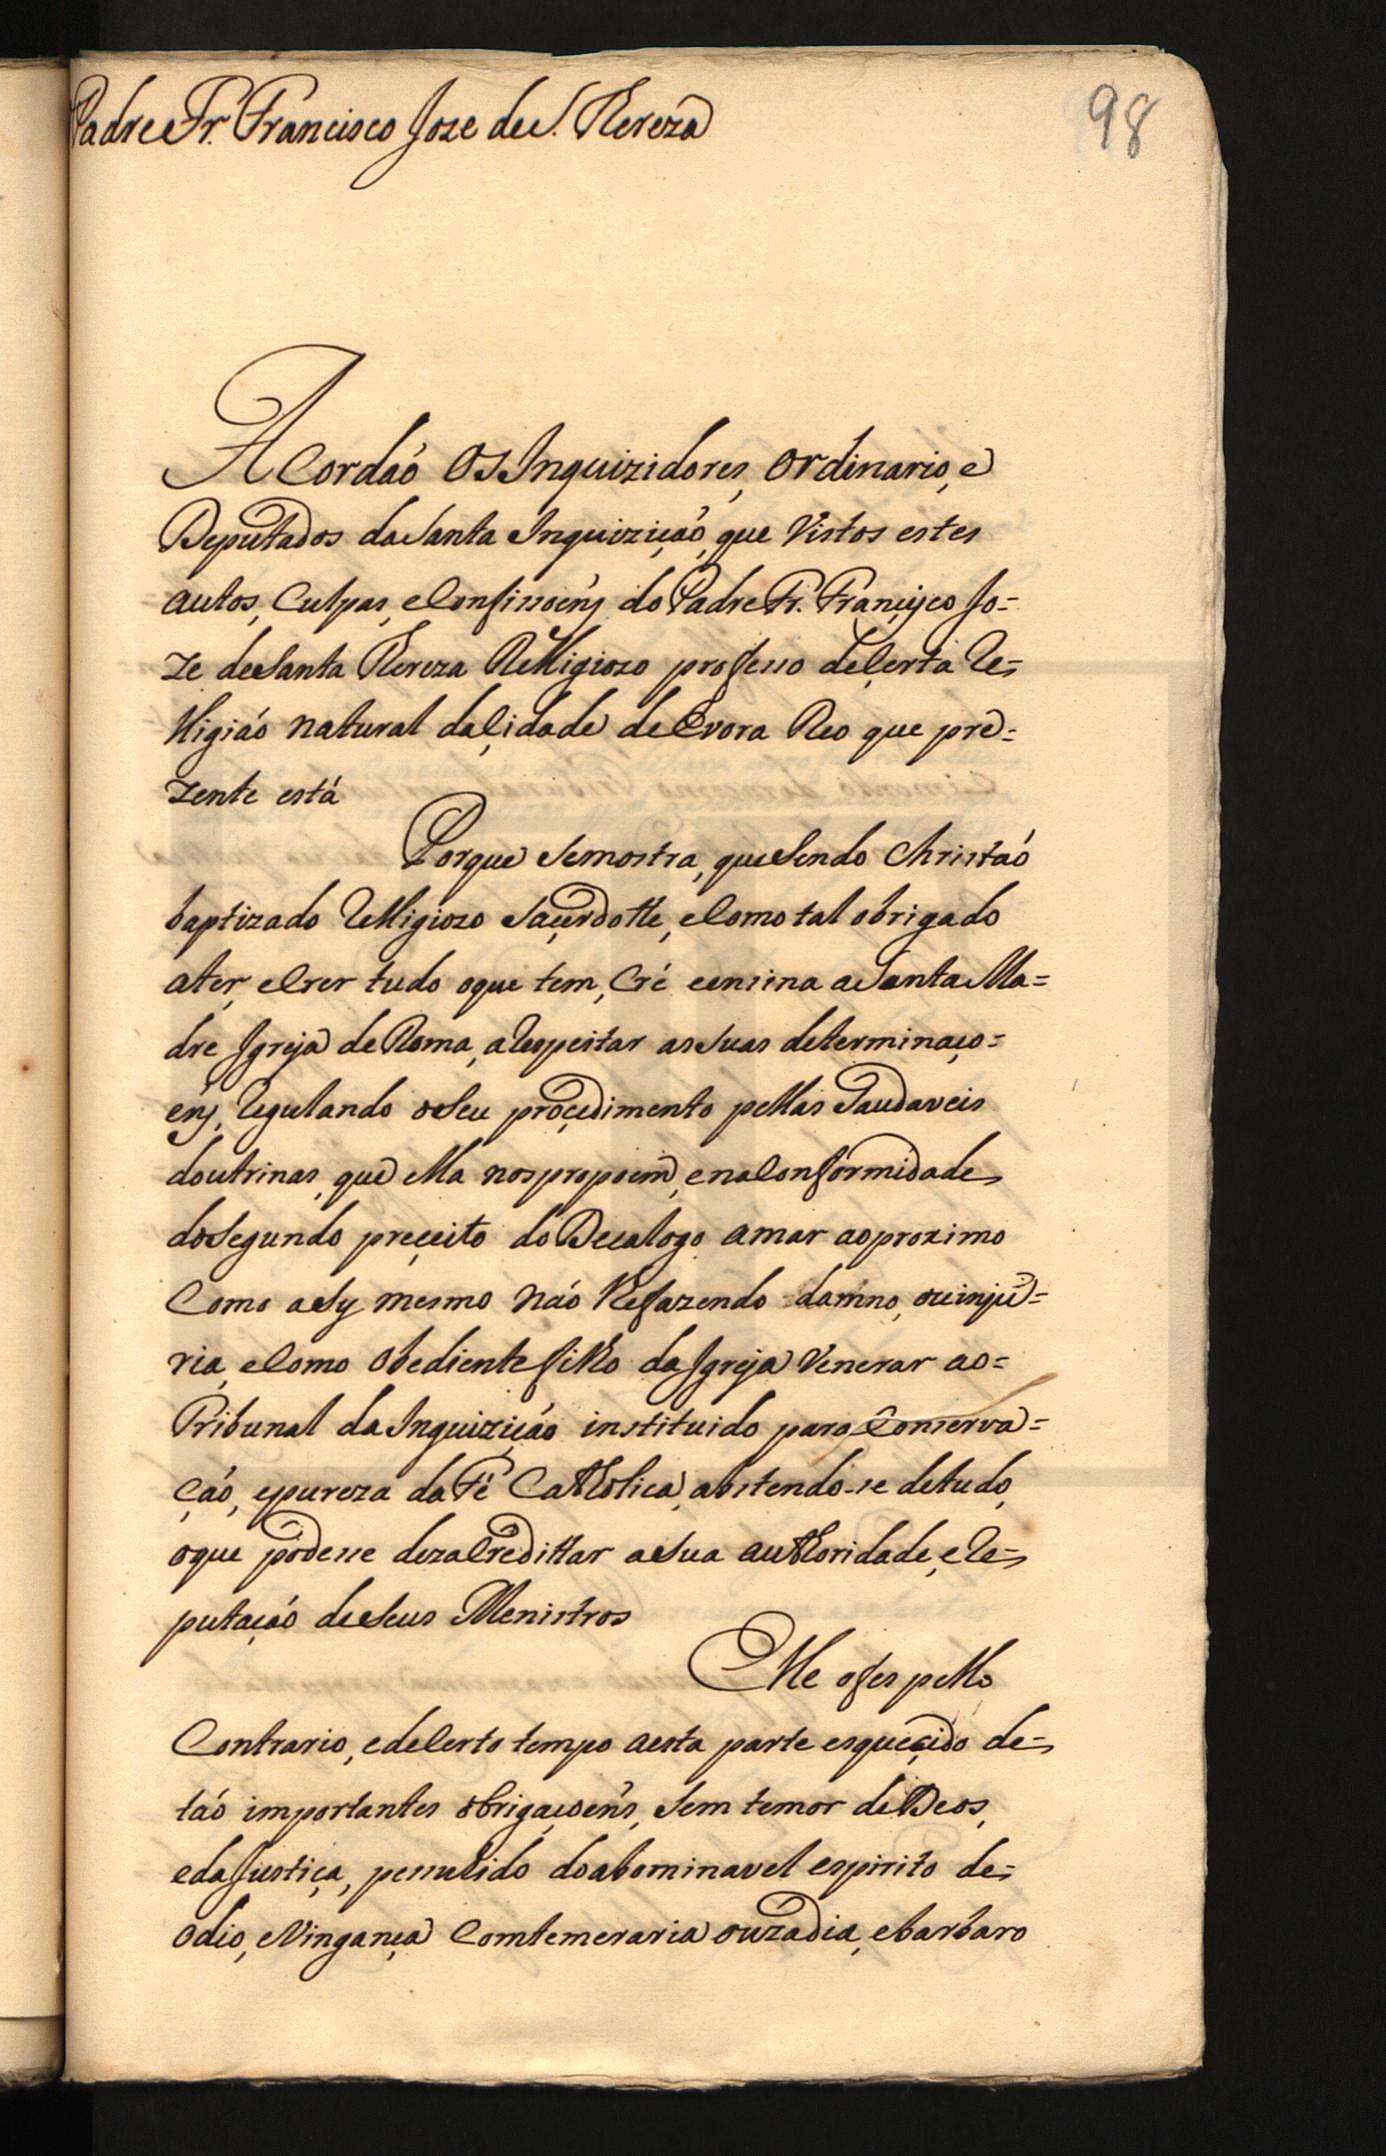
Padre Fr. Francisco Joze de S. Thereza
Acordaõ os Inquizidores, Ordinario e
Deputados da Santa Inquiziçaõ, que Vistos estes
autos, Culpas, e Confissoen̄s, do Padre Fr. Françisco Jo
ze de Santa Thereza Relligiozo professo de Çerta Re
lligião natural da Çidade Evora Reo que pre
zente está
Porque se mostra, que Sendo christaõ,
baptizado, Relligiozo saçerdotte, e Como tal obrigado
a ter, e Crer tudo o que tem, Cré e ensina a Santa Ma
dre Jgreja de Roma, a Respeitar as suas determinaço
en̄s, Regulando o seu proçedimento pellas Saudaveis
doutrinas, que ella nos propoem, e na conformidade
do Segundo preçeito do Decalogo amar ao proximo
como a Sy mesmo naõ lhe fazendo damno, ou injú
ria, e Como obediente filho da Jgreja Venerar ao
Tribunal da Inquizição instituido para Conserva
çaõ, e pureza da Fé Catholica, abstendo-se de tudo,
o que podesse dezacredittar a sua authoridade, e Re
putaçaõ de Seus Menistros
Elle o fes pello
Contrario, e de certo tempo a esta parte esqueçido de
taõ importantes obrigaçoen̄s, Sem temor de Deos,
e da Justiça, pessuhido do abominavel espirito de
odio, e Vingança Com temeraria ouzadia, e barbaro
